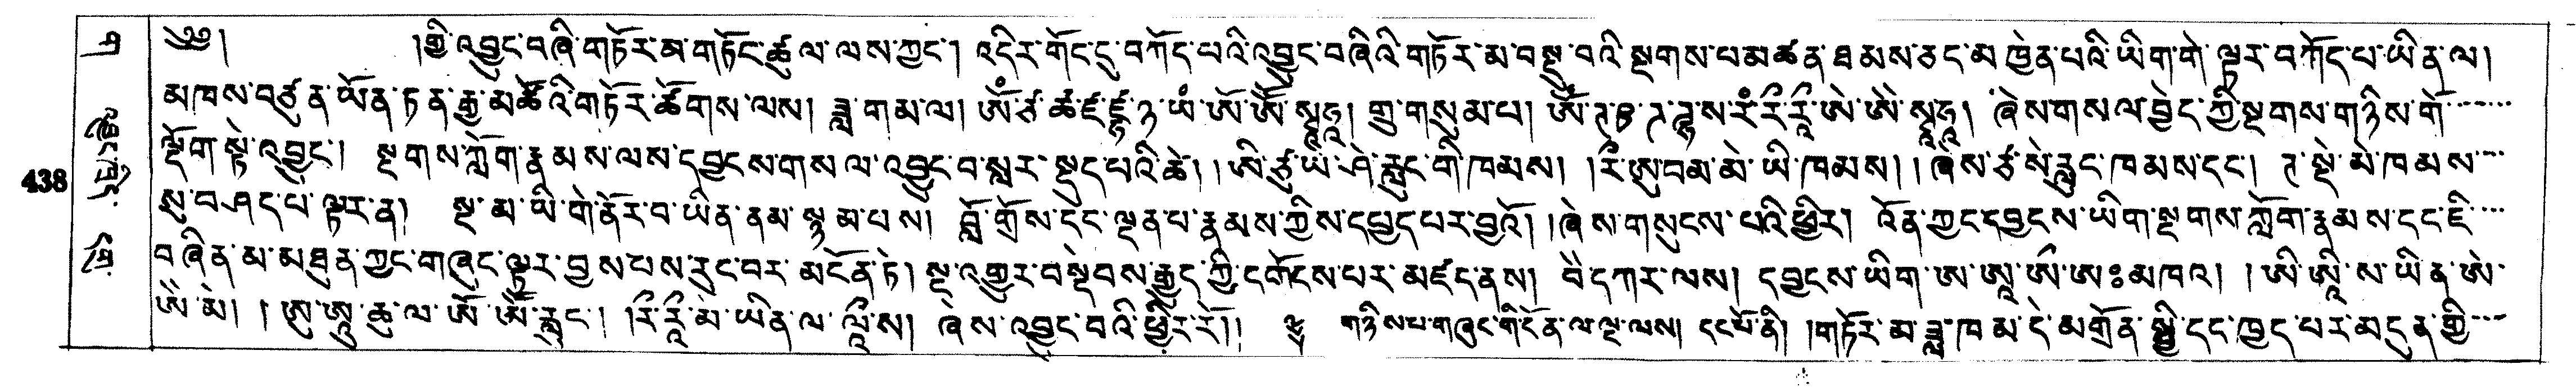༄༅། །གྱི་འབྱུང་བཞི་གཏོར་མ་གཏོང་ཚུལ་ལས་ཀྱང་། འདིར་གོང་དུ་བཀོད་པའི་འབྱུང་བཞིའི་གཏོར་མ་བསྡུ་བའི་སྔགས་པ་མཚན་ཐམས་ཅད་མཁྱེན་པའི་ཡིག་གེ་ལྟར་བཀོད་པ་ཡིན་ལ།
མཁས་བཙུན་ཡོན་ཏན་རྒྱ་མཚོའི་གཏོར་ཚོགས་ལས། ཟླ་གམ་ལ། ཨོཾ་ཙ་ཚ་ཛ་ཛྷ་?་ཉ་ཡཾ་ཨོ་ཨཽ་སྭཱ་ཧཱ། གྲུ་གསུམ་པ། ཨོཾ་ཊ་ཊཿཨ་ཌ་ཌྷ་ས་རཾ་རྀ་རཱྀ་ཨེ་ཨཻ་སྭཱ་ཧཱ། ཞེས་གསལ་བྱེད་ཀྱི་སྔགས་གཉིས་གོ་
ལྡོག་སྟེ་འབྱུང་། སྔགས་ཀློག་རྣམས་ལས་དབྱངས་གསལ་འབྱུང་བ་སླར་སྡུད་པའི་ཚེ། །ཨི་ཙུ་ཡེ་ཤེ་རླུང་གི་ཁམས། །རྀ་ཨུ་བམ་མེ་ཡི་ཁམས། །ཞེས་ཙ་སེ་རླུང་ཁམས་དང་། ཊ་སྡེ་མེ་ཁམས་
སུ་བཤད་པ་ལྟར་ན། སྔ་མ་ཡི་གེ་ནོར་བ་ཡིན་ནམ་སྙམ་པས། བློ་གྲོས་དང་ལྡན་པ་རྣམས་ཀྱིས་དཔྱད་པར་བྱའོ། །ཞེས་གསུངས་པའི་ཕྱིར། འོན་ཀྱང་དབྱངས་ཡིག་སྔགས་ཀློག་རྣམས་དང་ཇི་
བཞིན་མ་མཐུན་ཀྱང་གཞུང་ལྟར་བྱས་པས་རུང་བར་མངོན་ཏེ། སྔ་འགྱུར་བསྡེབས་རྒྱུད་ཀྱི་དགོངས་པར་མཛད་ནས། བཻ་དཀར་ལས། དབྱངས་ཡིག་ཨ་ཨཱ་ཨྀ་ཨཿ མཁའ། ཨི་ཨཱི་ས་ཡིན་ཨེ་
ཨཻ་མེ། །ཨུ་ཨཱུ་ཆུ་ལ་ཨོ་ཨཽ་རླུང་། །རྀ་རཱྀ་མ་ཡིན་ལ་ལཱྀ་ས། ཞེས་འབྱུང་བའི་ཕྱིར་རོ།། ༈ གཉིས་པ་གཞུང་གི་དོན་ལ་ལྔ་ལས། དང་པོ་ནི། །གཏོར་མ་ཟླ་ཁམ་དེ་མགྲོན་སྤྱི་དང་ཁྱད་པར་མདུན་གྱི་